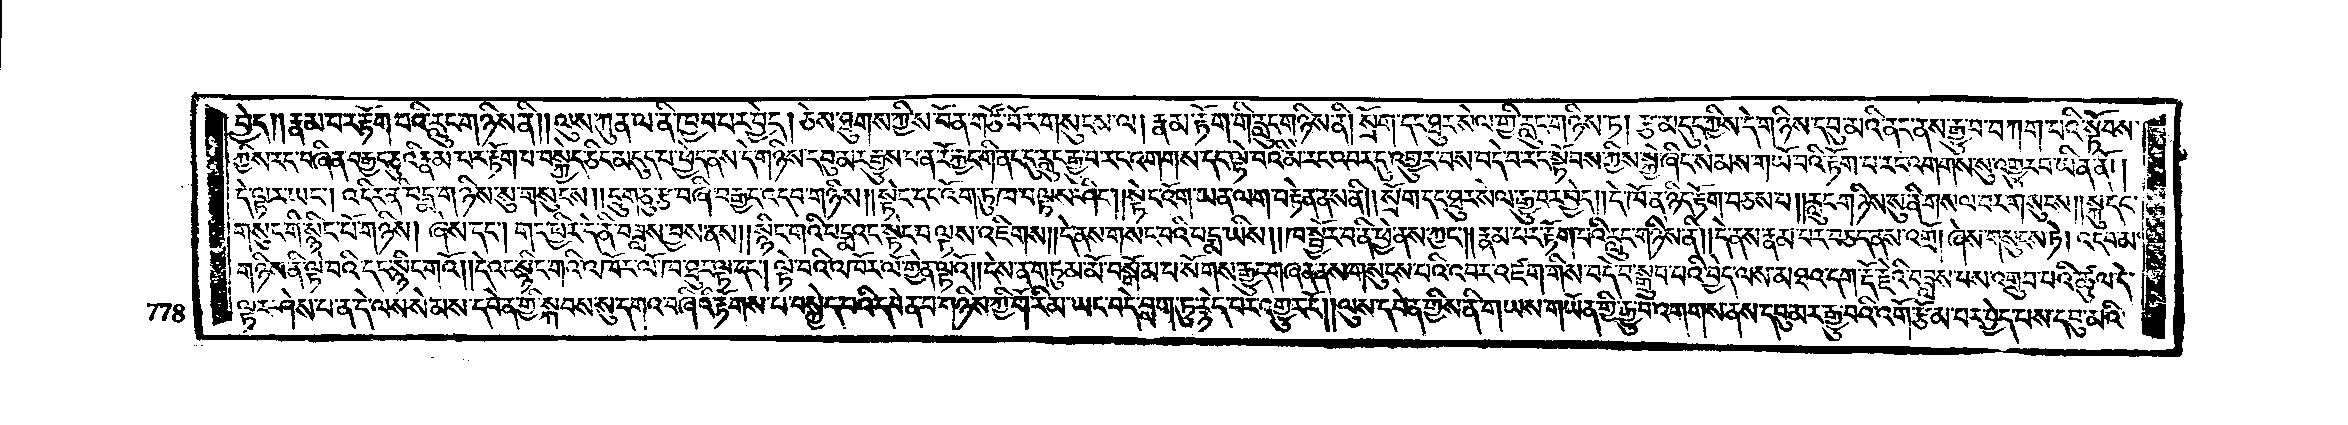བྱེད། །རྣམ་པར་རྟོག་པའི་རླུང་གཉིས་ནི། །ལུས་ཀུན་ལ་ནི་ཁྱབ་པར་བྱེད། ཅེས་ཐུགས་ཀྱི་ས་བོན་གཙོ་བོར་གསུངས་ལ། རྣམ་རྟོག་གི་རླུང་གཉིས་ནི། སྲོག་དང་ཐུར་སེལ་གྱི་རླུང་གཉིས་ཏེ། རྩ་མདུད་ཀྱིས་དེ་གཉིས་དབུ་མའི་ནང་ནས་རྒྱུ་བ་བཀག་པའི་སྟོབས་
ཀྱིས་རང་བཞིན་བརྒྱད་ཅུའི་རྣམ་པར་རྟོག་པ་བསྐྱེད་ཅིང་མདུད་པ་ཕྱེད་ནས་དེ་གཉིས་དབུ་མར་རྒྱུས་པ་ན་རོ་རྐྱང་གི་ནང་དུ་རླུང་རྒྱུ་བ་རང་འགགས་དང་ལྟེ་བའི་མེ་རང་འབར་དུ་འགྱུར་བས་བདེ་བ་རང་སྟོབས་ཀྱིས་སྐྱེ་ཞིང་སེམས་གཡོ་བའི་རྟོག་པ་རང་འགགས་སུ་འགྱུར་བ་ཡིན་ནོ། །
དེ་ལྟར་ཡང་། འདིར་ནི་པདམ་གཉིས་སུ་གསུངས། །དྲུག་ཅུ་རྩ་བཞི་བརྒྱད་འདབ་གཉིས། །སྟེང་དང་འོག་ཏུ་ཁ་བལྟས་ཤིང་། །སྟེང་འོག་ཡན་ལག་བརྟེན་ནས་ནི། །སྲོག་དང་ཐུར་སེལ་རྒྱུ་བར་བྱེད། །དེ་ཁོ་ན་ཉིད་རྟོག་བཅས་པ། །རླུང་གཉིས་སུ་ནི་གསལ་བར་གསུངས། །སྐུ་དང་
གསུང་གི་སྙིང་པོ་གཉིས། ཞེས་དང་། གང་ཕྱིར་དེ་ནི་བཟླས་བྱས་ནས། །སྙིང་གའི་པདམའང་སྟེང་བལྟས་འཇིགས། །དེ་ནས་གསང་བའི་པདམ་ཡིས། །ཁ་སྦྱོར་བ་ནི་ཕྱེ་ནས་ཀྱང་། །རྣམ་པར་རྟོག་པའི་རླུང་གཉིས་ནི། །དེ་ནས་རྣམ་པར་བཅད་ནས་འགྲོ། ཞེས་གསུངས་ཏེ། འདབ་མ་
གཉིས་ནི་ལྟེ་བའི་དང་སྙིང་གའོ། །དེའང་སྙིང་གའི་འཁོར་ལོ་ཁ་ཐུར་ལྟ་དང་། ལྟེ་བའི་འཁོར་ལོ་གྱེན་ལྟའོ། །དེས་ན་གཏུམ་མོ་བསྒོམ་པ་སོགས་རྒྱུད་གཞན་ནས་གསུངས་པའི་འབར་འཛག་གིས་བདེ་བ་སྒྲུབ་པའི་བྱེད་ལས་མཐའ་དག་རྡོ་རྗེའི་བཟླས་པས་འགྲུབ་པའི་ཚུལ་དེ་
ལྟར་ཤེས་པ་ན་དེ་ལས་སེམས་དབེན་གྱི་སྐབས་སུ་དགའ་བཞིའི་རྟོགས་པ་བསྐྱེད་པའི་དབེན་པ་གཉིས་ཀྱི་གོ་རིམ་ཡང་བདེ་བླག་ཏུ་རྙེད་པར་འགྱུར་རོ། །ལུས་དབེན་གྱིས་ནི་གཡས་གཡོན་གྱི་རྒྱུ་བ་འགགས་ནས་དབུ་མར་རྒྱུ་བའི་འགོ་རྩོམ་པར་བྱེད་པས་དབུ་མའི་